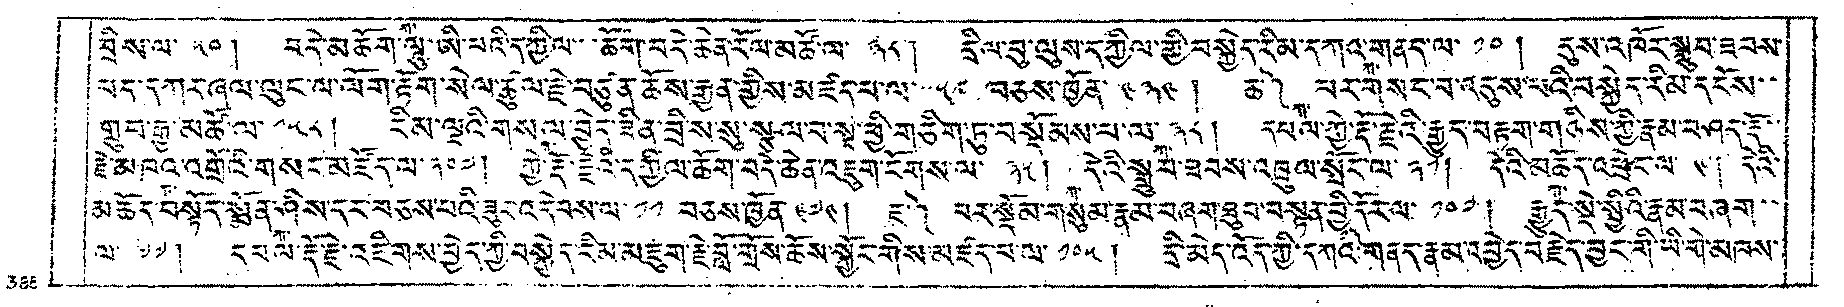བྲིས་ལ ༥༠། བདེ་མཆོག་ཀ་ལཱུ་ཨི་པའི་དཀྱིལ་ཆོག་བདེ་ཆེན་རོལ་མཚོ་ལ ༣༨། དྲིལ་བུ་ལུས་དཀྱིལ་གྱི་བསྐྱེད་རིམ་དཀའ་གནད་ལ ༡༠། དུས་འཁོར་སྒྲུབ་ཐབས་
པད་དཀར་ཞལ་ལུང་ལ་ལོག་རྟོག་སེལ་ཚུལ་རྗེ་བཙུན་ཆོས་རྒྱན་གྱིས་མཛད་པ་ལ ༥༩་བཅས་ཁྱོན ༤༣༤། ཆ྄་པར་ཀ་གསང་བ་འདུས་པའི་བསྐྱེད་རིམ་དངོས་
གྲུབ་རྒྱ་མཚོ་ལ ༡༥༨། རིམ་ལྔའི་གསལ་བྱེད་ཟིན་བྲིས་སུ་སྩལ་བ་སྔ་ཕྱི་གཅིག་ཏུ་བསྡོམས་པ་ལ ༣༨། ཀ་དཔལ་ཀྱེ་རྡོ་རྗེའི་རྒྱུད་བརྟག་གཉིས་ཀྱི་རྣམ་བཤད་རྡོ་
རྗེ་མཁའ་འགྲོའི་གསང་མཛོད་ལ ༢༠༧། ཀ་ཀྱེ་རྡོ་རྗེའི་དཀྱིལ་ཆོག་བདེ་ཆེན་འཇུག་ངོགས་ལ ༣༥། དེའི་སྒྲུབ་ཀ་ཐབས་འཁྲུལ་སྤོང་ལ ༢༡། དེའི་མཆོད་འཕྲེང་ལ ༤། དེའི་
མཆོད་ཀ་བསྟོད་སྨོན་ཤིས་དང་བཅས་པའི་ཟུར་འདེབས་ལ ༡༡་བཅས་ཁྱོན ༤༧༤། ཇ྄་ཀ་པར་སྡོམ་གསུམ་རྣམ་བཞག་ཐུབ་བསྟན་བྱི་དོར་ལ ༡༠༧། ཀ་རྒྱུད་སྡེ་སྤྱིའི་རྣམ་བཞག་
ལ ༧༧། ཀ་དཔལ་རྡོ་རྗེ་འཇིགས་བྱེད་ཀྱི་བསྐྱེད་རིམ་མཇུག་རྗེ་བློ་གྲོས་ཆོས་སྐྱོང་གིས་མཛད་པ་ལ ༡༠༥། དྲི་མེད་འོད་ཀྱི་དཀའ ༡?་གནད་རྣམ་འབྱེད་བརྗེད་བྱང་གི་ཡི་གེ་མཁས་